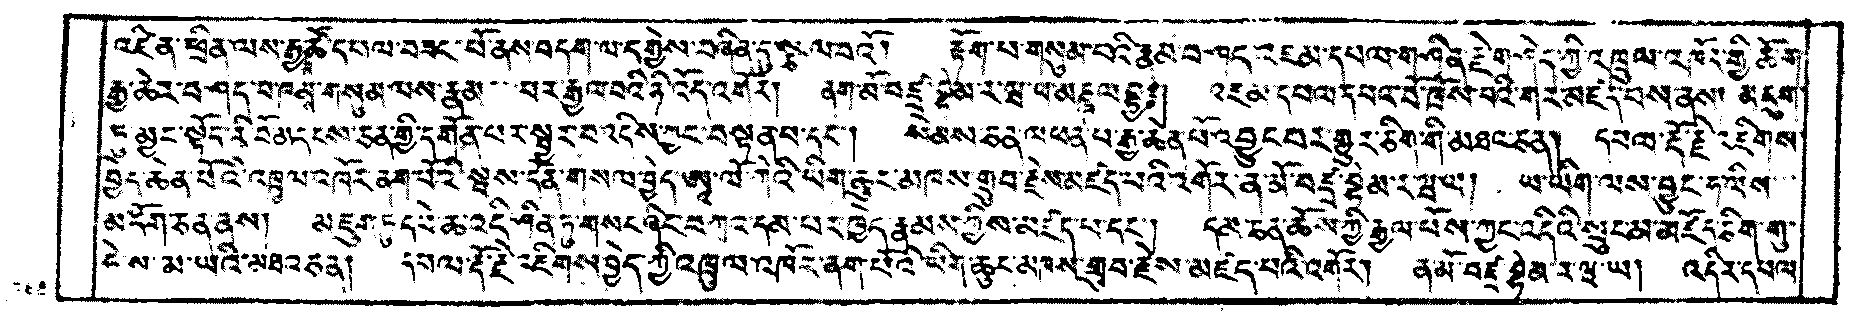འཛིན་ཕྲིན་ལས་རྒྱ་མཚོ་དཔལ་བཟང་པོ་ནས་བདག་ལ་དགྱེས་བཞིན་དུ་སྩལ་བའོ། རྟོག་པ་གསུམ་པའི་རྣམ་བཤད་འཇམ་དཔལ་གཤིན་རྗེ་གཤེད་ཀྱི་འཁྲུལ་འཁོར་གྱི་ཆོ་ག་
རྒྱ་ཆེར་བཤད་པ་ཁམས་གསུམ་ལས་རྣམ་པར་རྒྱལ་བའི་ཉི་འོད་འགོར། ནག་མོ་བཛྲ་བྷེམ་ར་ཝ་ཡ་མཎྜལ་བྷྱཿ། འཇམ་དཔལ་དཔའ་བོ་ཁྲོས་པའི་གར་མཛད་པས་ནས། མཇུག་
ཏུ་མྱང་སྟོད་རི་བོ་མདངས་ཅན་གྱི་དགོན་པར་སྦྱར་བ་འདིས་ཀྱང་བསྟན་པ་དང་། སེམས་ཅན་ལ་ཕན་པ་རྒྱ་ཆེན་པོ་འབྱུང་བར་གྱུར་ཅིག་གི་མཐའ་ཅན། དཔལ་རྡོ་རྗེ་འཇིགས་
བྱེད་ཆེན་པོའི་འཁྲུལ་འཁོར་ནག་པོའི་སྦས་དོན་གསལ་བྱེད་ཨཱ་ལོ་ཀེའི་ཡིག་ཆུང་མཁས་གྲུབ་རྗེས་མཛད་པའི་འགོར་ན་མོ་བཛྲ་བྷེམ་ར་ཝ་ཡ། ཡ་ཡིག་ལས་བྱུང་ཧ་ལིས་
མདོག་ཅན་ནས། མཇུག་ཏུ་དཔེ་ཆ་འདི་ཤིན་ཏུ་གསང་ཞིང་བཀའ་དམ་པར་ཁྱེད་རྣམས་ཀྱིས་མཛད་པ་དང་། དམ་ཅན་ཆོས་ཀྱི་རྒྱལ་པོས་ཀྱང་འདིའི་སྲུང་མ་མཛོད་ཅིག་གུ་
ཧེ་ས་མ་ཡའི་མཐའ་ཅན། དཔལ་རྡོ་རྗེ་འཇིགས་བྱེད་ཀྱི་འཁྲུལ་འཁོར་ནག་པོའི་ཡིག་ཆུང་མཁས་གྲུབ་རྗེས་མཛད་པའི་འགོར། ན་མོ་བཛྲ་བྷེམ་ར་ཝ་ཡ། འདིར་དཔལ་